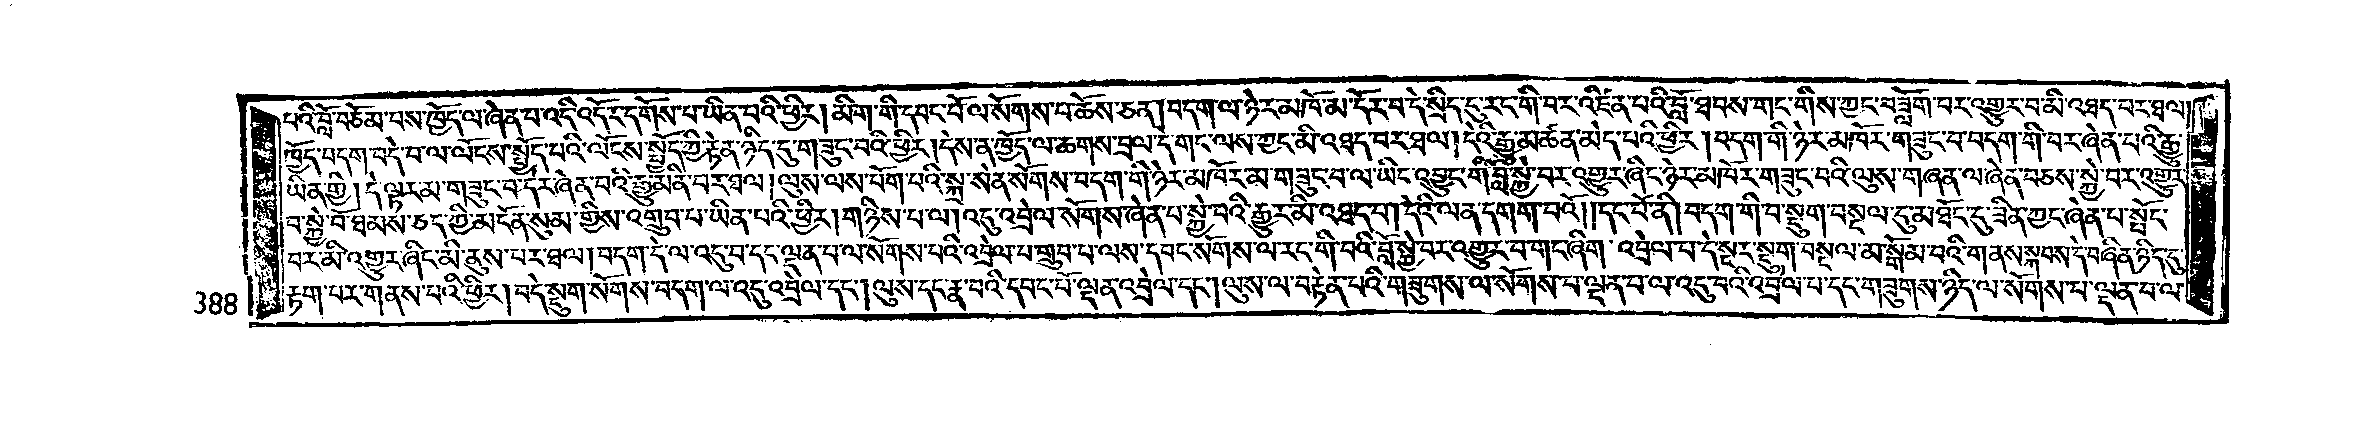པའི་བློ་བཅོམ་པས་ཁྱོད་ལ་ཞེན་པ་འདི་འདོར་དགོས་པ་ཡིན་པའི་ཕྱིར། མིག་གི་དབང་པོ་ལ་སོགས་པ་ཆོས་ཅན། བདག་ལ་ཉེར་མཁོ་མ་དོར་བ་དེ་སྲིད་དུ་རང་གི་བར་འཛིན་པའི་བློ་ཐབས་གང་གིས་ཀྱང་བཟློག་པར་འགྱུར་བ་མི་འཐད་པར་ཐལ།
ཁྱོད་བདག་བདེ་བ་ལ་ལོངས་སྤྱོད་པའི་ལོངས་སྤྱོད་ཀྱི་རྟེན་ཉིད་དུ་གཟུང་བའི་ཕྱིར། དེས་ན་ཁྱོད་ལ་ཆགས་བྲལ་དེ་གང་ལས་ཀྱང་མི་འཐད་པར་ཐལ། དེའི་རྒྱུ་མཚན་མེད་པའི་ཕྱིར། བདག་གི་ཉེར་མཁོར་གཟུང་བ་བདག་གི་བར་ཞེན་པའི་རྒྱུ་
ཡིན་གྱི། དེ་ལྟར་མ་གཟུང་བ་དེར་ཞེན་པའི་རྒྱུ་མིན་པར་ཐལ། ལུས་ལས་པོག་པའི་སྐྲ་སེན་སོགས་བདག་གི་ཉེར་མཁོར་མ་གཟུང་བ་ལ་ཡིད་འབྱུང་གི་བློ་སྐྱེ་བར་འགྱུར་ཞིང་ཉེར་མཁོར་གཟུང་བའི་ལུས་གཞན་ལ་ཞེན་བཅས་སྐྱེ་བར་འགྱུར་
བ་སྐྱེ་བོ་ཐམས་ཅད་ཀྱི་མངོན་སུམ་གྱིས་འགྲུབ་པ་ཡིན་པའི་ཕྱིར། གཉིས་པ་ལ། འདུ་འབྲེལ་སོགས་ཞེན་པ་སྐྱེ་བའི་རྒྱུར་མི་འཐད་པ། དེའི་ལན་དགག་པའོ། །དང་པོ་ནི། བདག་གི་བ་སྡུག་བསྔལ་དུ་མཐོང་དུ་ཟིན་ཀྱང་ཞེན་པ་སྤོང་
བར་མི་འགྱུར་ཞིང་མི་ནུས་པར་ཐལ། བདག་དེ་ལ་འདུ་བ་དང་ལྡན་པ་ལ་སོགས་པའི་འབྲེལ་པ་གྲུབ་པ་ལས་དབང་སོགས་ལ་རང་གི་བའི་བློ་སྐྱེ་བར་འགྱུར་བ་གང་ཞིག །འབྲེལ་བ་དེ་སྔར་སྡུག་བསྔལ་མ་སྒོམ་པའི་གནས་སྐབས་དེ་བཞིན་ཉིད་དུ་
རྟག་པར་གནས་པའི་ཕྱིར། བདེ་སྡུག་སོགས་བདག་ལ་འདུ་འབྲེལ་དང་། ལུས་དང་རྣ་བའི་དབང་པོ་ལྡན་འབྲེལ་དང་། ལུས་ལ་བརྟེན་པའི་གཟུགས་ལ་སོགས་པ་ལྡན་པ་ལ་འདུ་བའི་འབྲེལ་པ་དང་གཟུགས་ཉིད་ལ་སོགས་པ་ལྡན་པ་ལ་